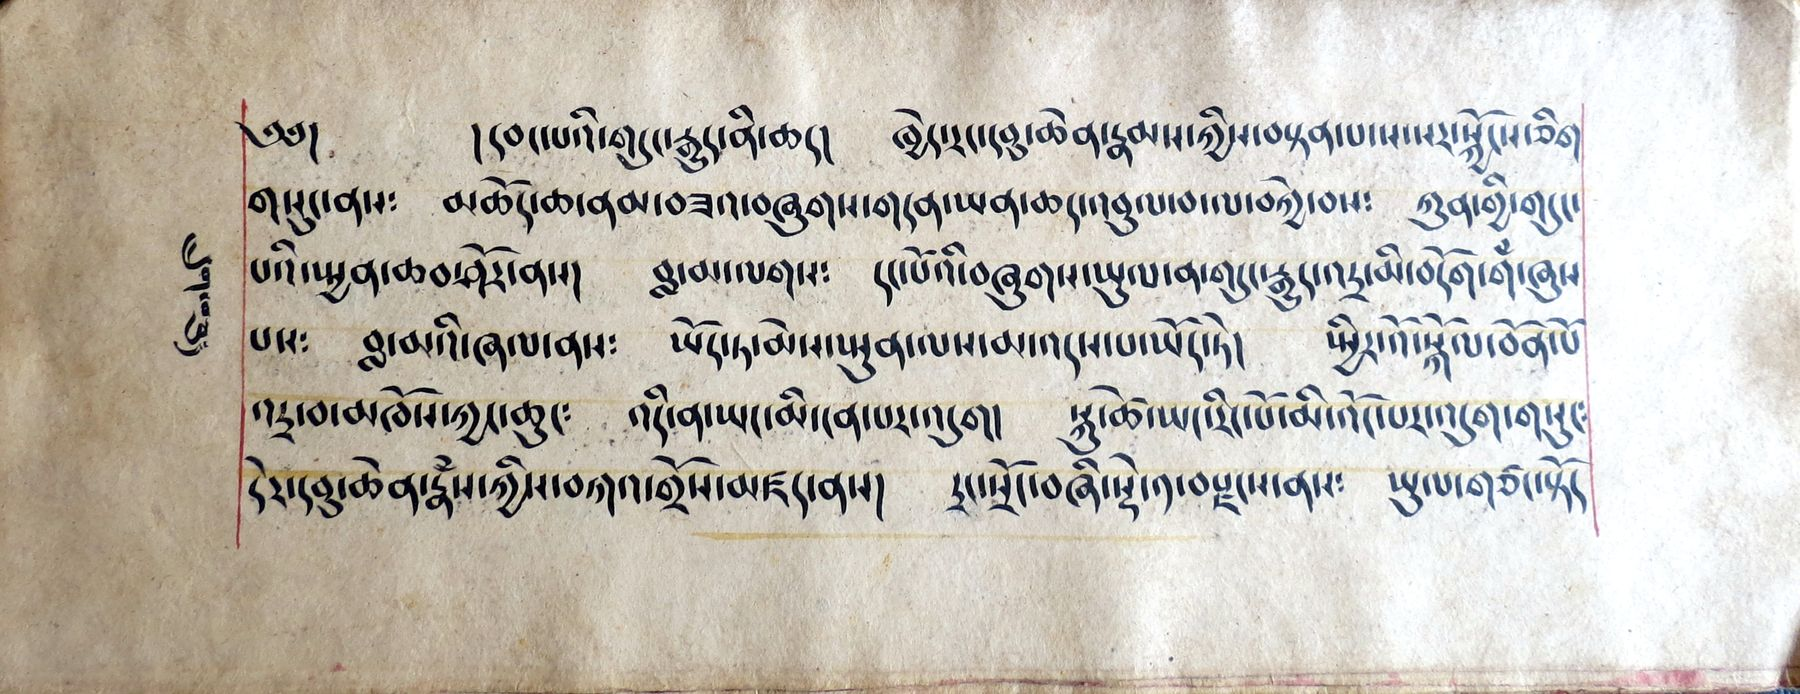དབང་བའི་གདུང་རྒྱུད་ནི་ཆད། ཁྱེད་རང་དབུ་ཆེན་རྣམས་ཀྱིས་བསྟན་པ་སོ་སོར་སྐྱོངས་ཤིག 
གསུམ་ནས། མཆོད་ཆ་ན་བཟའ་བཞུགས་གདན་ཡན་ཆད་འབུལ་བ་ལ་བཀྱེ་བས། ཀུན་གྱིས་གདུང་།
པའི་སྤྱན་ཆབ་ཤོར་ནས། བླ་མ་ལགས། དང་པོའི་བཞུགས་ཡུལ་ན་གདུང་རྒྱུད་འདྲ་བ་མི་བདོག་གམ་ཞུས་
པས། བླ་མའི་ཞལ་ནས། ཡོད་ཏ་མེས་སྤུན་ལས་མ་འདས་པ་ཡོད་དེ། སྤྱིར་འོ་སྐོལ་བོན་པོ་
འདྲ་བ་འཁོས་ཀྱང་ཆུང་། འདི་ན་ཡང་མི་ངན་པར་འདུག སྐུ་ཚེ་ཡང་རིང་པོ་མི་འོང་པར་འདུག་གསུངས། 
དེར་དབུ་ཆེན་རྣམས་ཀྱིས་བཀའ་བསྒྲོས་བྱས་ནས་དྲང་སྲོང་བཞི་སྡེ་ཞིག་བརྫངས་ནས། ཡུལ་གཙང་སྟོད་